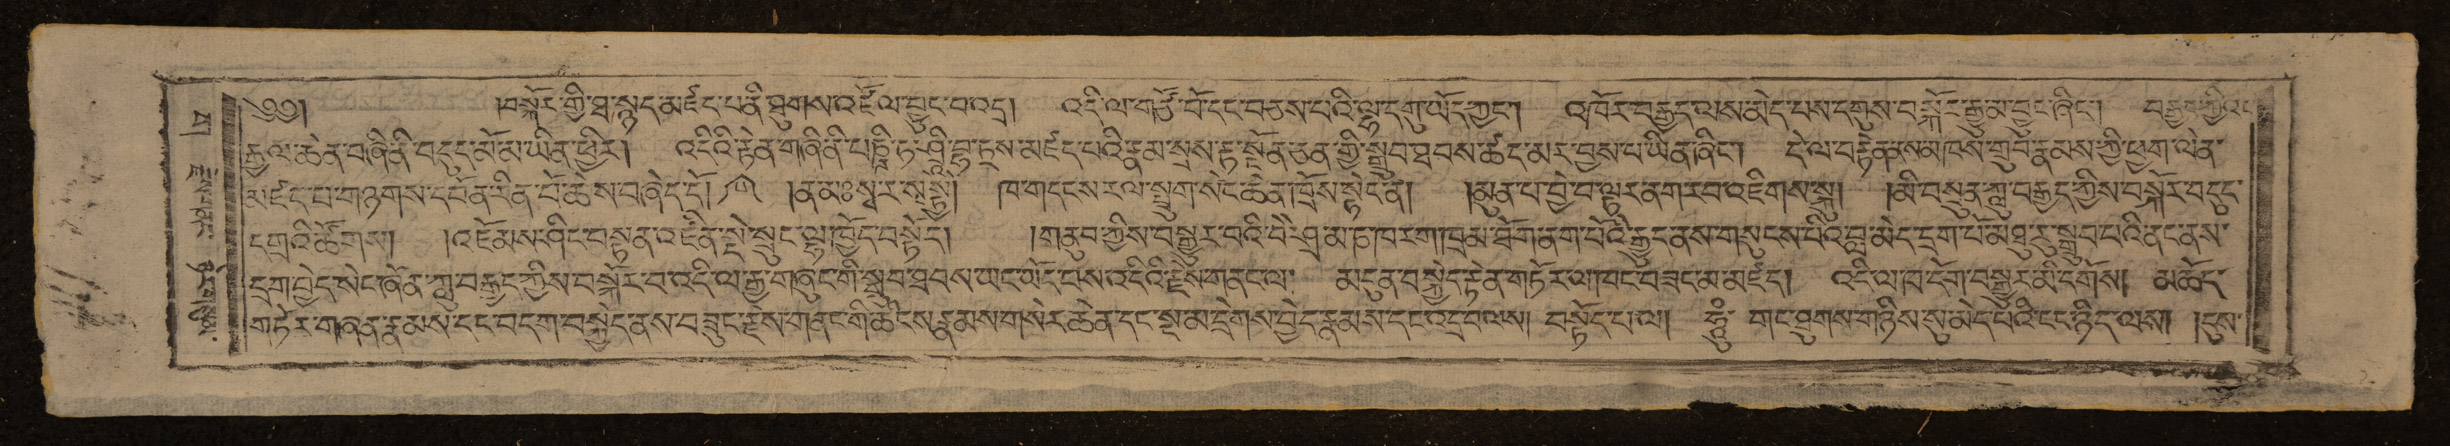༄༅། །བསྐོར་གྱི་ཐ་སྙད་མཛད་པ་ནི་ཐུགས་འཛོལ་བྱུང་བ་འདྲ། འདི་ལ་གཙོ་བོ་དང་བཅས་པའི་ལྷ་དགུ་ཡོད་ཀྱང་། འཁོར་བརྒྱད་ལས་མེད་པས་དགུས་བསྐོར་རྒྱུ་མ་བྱུང་ཞིང་། བརྒྱད་ཀྱིའང་
རྒྱལ་ཆེན་བཞི་ནི་བདུད་མོ་མ་ཡིན་ཕྱིར། འདིའི་རྟེན་གཞི་ནི་པཎྜི་ཏ་ཤྲཱི་བྷ་ཏྲས་མཛད་པའི་རྣམ་སྲས་རྟ་སྔོན་ཅན་གྱི་སྒྲུབ་ཐབས་ཚད་མར་བྱས་པ་ཡིན་ཞིང་། དེ་ལ་བརྟེན་ནས་མཁས་གྲུབ་རྣམས་ཀྱི་ཕྱག་ལེན་
མཛད་པ་གཉགས་དཔོན་རིན་པོ་ཆེས་བཞེད་དོ། ༥?་།ན་མཿསྭ་ར་སྭསྟྱེ། ཁ་གདངས་རལ་སྤུག་སེང་ཆེན་ཁྲོས་སྟེང་ན། །མུན་པ་བྱེ་བ་ལྟར་ནག་རབ་འཇིགས་སྐུ། །མི་བསྲུན་ཀླུ་བརྒྱད་ཀྱིས་བསྐོར་བདུད་
དགྲའི་ཚོགས། །འཇོམས་ཤིང་བསྟན་འཛིན་སྡེ་སྲུང་ལྷ་ཁྱོད་བསྟོད། །གནུབ་ཀྱིས་བསྒྱུར་བའི་བཻ་ཤྲ་མ་ཎ་ཁར་ག་ཁྲམ་ཐོག་ནག་པོའི་རྒྱུད་ནས་གསུངས་པའི་བླ་མེད་དྲག་པོ་མཐུ་རུ་སྒྲུབ་པའི་ནང་ནས་
དྲག་བྱེད་སེང་ཞོན་ཀླུ་བརྒྱད་ཀྱིས་བསྐོར་བ་འདི་ལ་རྒྱ་གཞུང་གི་སྒྲུབ་ཐབས་ཡང་ལོང་པས་འདིའི་རྗེས་གནང་ལ། མདུན་བསྐྱེད་རྟེན་གཏོར་ལ་ཁང་བཟང་མ་མཛད། འདི་ལ་ཁ་དོག་བསྒྱུར་མི་དགོས། མཆོད་
གཏོར་གཞན་རྣམས་དང་བདག་བསྐྱེད་ནས་བཟུང་རྗེས་གནང་གི་ཆིངས་རྣམས་གསེར་ཆེན་དང་སྔ་མ་དྲེགས་བྱེད་རྣམས་དང་འདྲ་བ་ལས། བསྟོད་པ་ལ། ཧཱུཾ་གང་ཐུགས་གཉིས་སུ་མེད་པའི་ངང་ཉིད་ལས། །དུས་